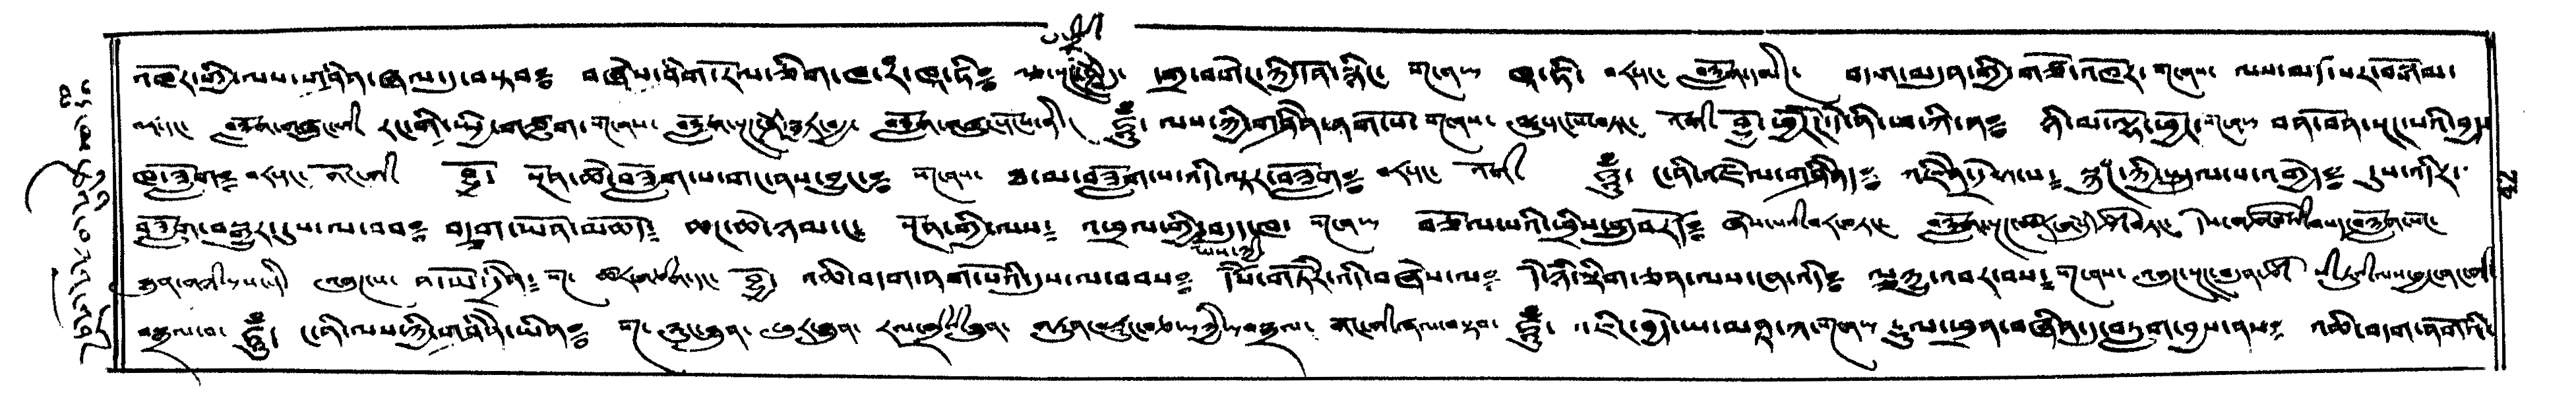འཁོར་གྱི་ལས་གཤིན་ཞལ་དུ་བསྟབ༔ བཞེས་ཤིག་རོལ་ཅིག་ཁ་རཾ་ཁཱ་ཧི༔ རྩ་སྔགས་དུཏྲ ིའི་ཤམ་དུ། དགྲ་བགེགས་ཀྱི་དོན་སྙིང༴ སོགས་ནས། ཁཱ་ཧིའི་བར་དང་། བཟློག་དམིགས། བདག་མདུན་གྱི་གཙོ་འཁོར༴ སོགས་ནས། ལས་མཛད་པར་བསྒོམ༴ 
བར་དང་། བཟློག་གཞུང་གི། རང་གི་སྤྱི་གཙུག༴ སོགས་ནས། བཟློག་སྔགས་ཤམ་སྦྱར་བརྒྱ། བཟློག་གཞུང་དངོས་ནི། ཧཱུྃ༔ ལས་ཀྱི་གཤིན་རྗེ་ནག་པོ༴ སོགས་ནས། ལྷུ་དང་པོ་བཏང་། འོག་གི། བྷྱོ༔ཕྱོགས་ཕྱོགས་དེ་ནི་ཕ་ཀི་ན༔ ཉི་མ་ལྷོ་ཕྱོགས༴ སོགས་ནས། བན་བོན་སྔགས་པའི་བྱད་
ཁ་ཟློག༔ བར་དང་། གོང་གི། བྷྱོ༔ སྔོན་ཚེ་བཟློག་པ་གང་ནས་བྱུང༔ སོགས་ནས། ཐ་མ་བཟློག་པ་འདི་ལྟར་བཟློག༔ བར་དང་། འོག་གི། ཧཱུྃ༔ ང་ནི་འཇམ་དཔལ་གཤིན་རྗེ་གཤེད༔ འཇིག་རྟེན་དྲེགས་པ༴ སྐུ་གསུང་ཐུགས་ཀྱི་སྤྲུལ་པ་འགྱེད༔ དུས་འདིར་
བཟློག་བསྒྱུར་དུས་ལ་བབ༔ བདག་ཅག་ཡོན་མཆོད༴ཆགས་ཆེ་ཉམ་ང༴ སྔོན་གྱི་ལས༴ འཕྲལ་གྱི༴ཡས་ཀྱི་བདུད་ཁ༴ སོགས་ནས། བཅོལ་པའི་ཕྲིན་ལས་གྲུབ་པར་མཛོད༔ ཞེས་པའི་བར་བཏང་། བཟློག་སྔགས་ཚར་གསུམ་ཙམ་བཏང་། དེས་གཙོ་བོའི་བསད་བཟློག་སོང་། 
ཐུན་གཉིས་པ་ནི། འགུགས་པ། ན་མོ། དྲིན་ཆེན༴ སོགས་ཚར་གཅིག་དང་། བྷྱོ༔ འཆི་བདག་ནག་པོའི་དུས་ལ་བབ༔ དམ་རྫས་གཏོར་མ་འདི་བཞེས་ལ༔ དམ་ཉམས་སྡིག་ཅན་ལས་ངན་འདི༔ ལྕགས་དཀྱུ་འབར་བས༴ སོགས་ནས། འགུགས་སྔགས་བདུན་ཙམ། སི་ཏུའི་ལས་བྱང་ནང་གི་
བསྒྲལ་བ། ཧཱུྃ༔ ང་ནི་ལས་ཀྱི་གཤིན་རྗེ་ཡིན༔ སོགས། ཉུང་ཐུན། ཕུར་ཐུན། རལ་གྲིའི་ཐུན། གཏུན་བརྡུང་བཅས་ཀྱིས་བསྒྲལ། གོང་གི་ཞལ་བསྟབ། ཧཱུྃ༔ འཇིགས་བྱེད་ཡ་མནྟ་ཀ༴ སོགས་ནས། རྡུལ་ཕྲན་བཞིན་དུ་བརླག་བྱས་ནས༔ འཆི་བདག་ནག་པོའི་